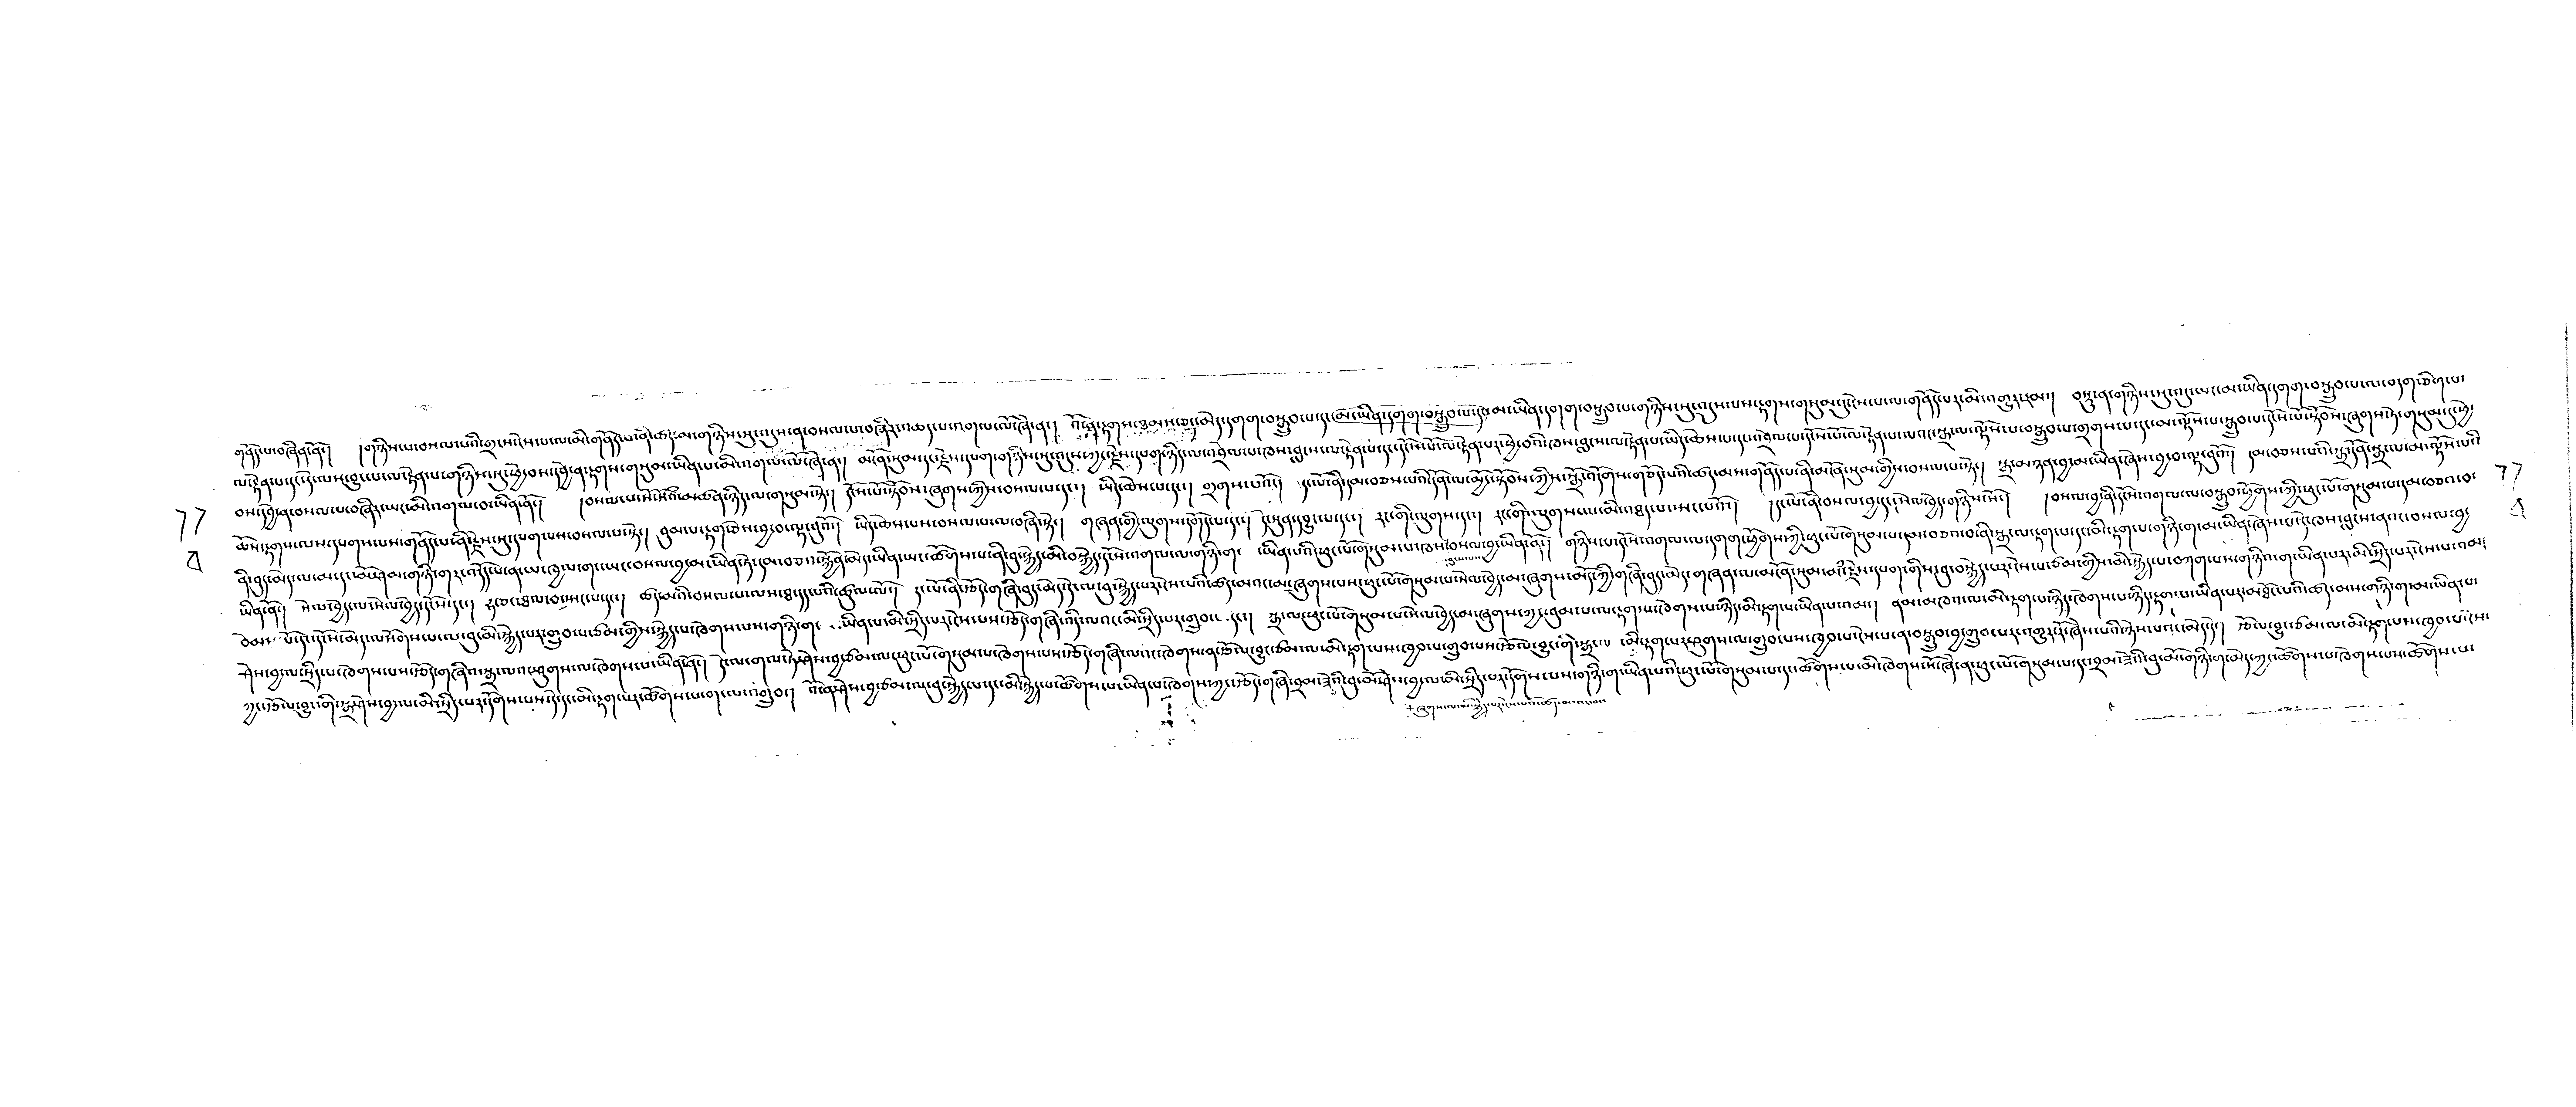གནོད་པ་བཞིན་ནོ། །གཉིས་པ་བསལ་པའི་གྲངས་ངེས་པ་ལ་མི་གནོད་པ་ནི་ཚད་མ་གཉིས་སུ་འདུས་ན་བསལ་པ་བཞིར་འཆད་པ་འགལ་ལོ་ཞེ་ན། འོ་ན་རྟགས་ཐམས་ཅད་མེད་དགག་བསྒྲུབ་པ་དང་མ་ཡིན་དགག་བསྒྲུབ་པ་གཉིས་སུ་འདུས་པས་རྟགས་གསུམ་དུ་ངེས་པ་ལ་གནོད་པར་མི་འགྱུར་རམ། བསྡུ་ན་གཉིས་སུ་འདུ་ཡང་མ་ཡིན་དགག་བསྒྲུབ་པ་ལ་བདག་ཅིག་པ་
ལ་རྟེན་པ་དང་དེ་ལས་བྱུང་པ་ལ་རྟེན་པ་གཉིས་སུ་ཕྱེ་བས་དབྱེ་ན་རྟགས་གསུམ་ཡིན་པ་མི་འགལ་ལོ་ཞེ་ན། མངོན་སུམ་དང་རྗེས་དཔག་གཉིས་སུ་འདུས་ཀྱང་རྗེས་དཔག་ཉིད་ལ་འབྲེལ་པ་ཁས་བླངས་ལ་རྟེན་པ་དང་དངོས་པོ་ལ་རྟེན་པར་ཕྱེ་བའི་ཁས་བླངས་ལ་རྟེན་པ་ཡིད་ཆེས་པ་དང་འབྲེལ་པ་དངོས་པོ་ལ་རྟེན་པ་ལའང་སྒྲ་ལ་ལྟོས་པ་བསྒྲུབ་པ་གྲགས་པ་དང་མ་ལྟོས་པ་སྒྲུབ་པ་དངོས་པོ་སྟོབས་ཞུགས་ཏེ་གསུམ་དུ་ཕྱེ་
བས་དབྱེ་ན་བསལ་པ་བཞིར་ཡང་མི་འགལ་བ་ཡིན་ནོ། །བསམ་པ་སོ་སོའི་མཚན་ཉིད་ལ་གསུམ་སྟེ། དངོས་པོ་སྟོབས་ཞུགས་ཀྱིས་བསལ་པ་དང་། ཡིད་ཆེས་པ་དང་། གྲགས་པའོ། དང་པོ་ནི་དམ་བཅས་པའི་དོན་ལ་མྱོང་སྟོབས་ཀྱིས་སྒྲོ་འདོགས་གཅོད་པའི་ཚད་མས་གནོད་པ་ནི་མངོན་སུམ་གྱིས་བསལ་པ་སྟེ། སྒྲ་མཉན་བྱ་མ་ཡིན་ཞེས་བྱ་བ་ལྟ་བུའོ། དམ་བཅས་པའི་སྒྲ་དོན་སྒྲ་ལ་མ་ལྟོས་པའི་
ཆོས་རྟགས་ལས་དཔགས་པས་གནོད་པ་ནི་རྗེས་སུ་དཔག་པས་བསལ་པ་སྟེ། བུམ་པ་རྟག་ཅེས་བྱ་བ་ལྟ་བུའོ། ཡིད་ཆེས་པས་བསལ་པ་ལ་བཞི་སྟེ། གཞན་གྱི་ལུགས་དགོད་པ་དང་། དེ་སུན་དབྱུང་པ་དང་། རང་གི་ལུགས་དང་། རང་གི་ལུགས་ལ་མི་འཐད་པ་སྤང་པའོ། །དང་པོ་ནི་བསལ་བྱ་དང་སེལ་བྱེད་གཉིས་སོ། །བསལ་བྱ་ནི་དངོས་འགལ་ལ་བསྒྲུབ་ཕྱོགས་ཀྱི་ཕུང་པོ་གསུམ་པ་དམ་བཅའ་བ་
ནི་བུད་མེད་ལ་མ་དང་མོ་ཤམ་གཉི་གར་འདོད་པ་ན་ཡ་ཁྱལ་གང་ཡང་བསལ་བྱ་མ་ཡིན་ཏེ་དམ་བཅའ་སྐྱོན་མེད་ཡིན་ཡང་ཚོགས་པ་ནི་བུ་སྐྱེད་མི་བསྐྱེད་དངོས་འགལ་ལ་གཉི་ག་ཡིན་པའི་ཕུང་པོ་གསུམ་པ་ཁས་བླངས་པས་བསལ་བྱ་ཡིན་ནོ། གཉིས་པ་དངོས་འགལ་ལ་དགག་ཕྱོགས་ཀྱི་ཕུང་པོ་གསུམ་པ་དམ་བཅའ་བ་ནི་སྒྲ་ལ་རྟག་པ་དང་མི་རྟག་པ་གཉི་ག་མ་ཡིན་ཞེས་པ་དེ་ཁས་བླངས་ནའང་བསལ་བྱ་
ཡིན་ནོ། སེལ་བྱེད་ལ་སེལ་བྱེད་དངོས་དང་། ཧ་ཅང་ཐལ་བ་སྤང་པ་དང་། ཚད་མའི་བསལ་པ་ལས་ཐ་དད་པའི་ཚུལ་ལོ། དང་པོ་ནི་རྩོད་གཞི་བུད་མེད་དེ་ལ་བུ་སྐྱེད་པར་ངེས་པའི་ཚད་མའང་མ་ཞུགས་པས་ཕུང་པོ་གསུམ་པ་སེལ་བྱེད་མ་ཞུགས་མོད་ཀྱི་གཞི་བུད་མེད་གཞན་ལ་མངོན་སུམ་མ་?རྗེས་དཔག་གིས་བུ་བསྐྱེད་པར་ངེས་པ་ཙམ་གྱིས་མི་སྐྱེད་པ་བཀག་པས་གཉིའ་ག་ཡིན་པར་མི་སྲིད་པར་ངེས་པ་འམ།
བེམ་པོ་དང་དངོས་མེད་ལ་སོགས་པ་ལ་བུ་མི་སྐྱེད་པར་གྲུབ་པ་ཙམ་གྱིས་སྐྱེད་པ་ཁེགས་པས་གཉི་ག?་ཡིན་པ་མི་སྲིད་པར་ངེས་པས་རྩོད་གཞི་འདི་ལའང་མི་སྲིད་པར་གྲུབ་པ་དང་། སྒྲ་ལ་ཕུང་པོ་གསུམ་པ་སེལ་བྱེད་མ་ཞུགས་ཀྱང་བུམ་པ་ལ་རྟག་པ་ཁེགས་པ་ཉིད་མི་རྟག་པ་ཡིན་པ་འམ། ནམ་མཁའ་ལ་མི་རྟག་པ་ཉིད་ཁེགས་པ་ཉིད་རྟག་པ་ཡིན་པར་མཐོང་པའི་ཚད་མས་གཉི་ག་མ་ཡིན་པ་
ཤེས་བྱ་ལ་སྲིད་པ་ཁེགས་པས་རྩོད་གཞིའ་སྒྲ་ལའང་ཤུགས་ལ་ཁེགས་པ་ཡིན་ནོ། དེ་ལ་གལ་ཏེ་ཤེས་བྱ་ཙམ་ལ་ཕུང་པོ་གསུམ་པ་ཁེགས་པས་རྩོད་གཞི་ལའང་ཁེགས་ན་རྩོལ་བྱུང་ཙམ་ལ་མི་རྟག་པས་ཁྱབ་པ་གྲུབ་པས་རྩོལ་བྱུང་གི་སྒྲ་ལ་མི་རྟག་པར་ཤུགས་ལ་གྲུབ་པས་ཁྱབ་པ་ངེས་པ་ན་བསྒྲུབ་བྱ་གྲུབ་པར་འགྱུར་རོ་ཞེས་པའི་ཉེས་པའང་མེད་དེ། རྩོལ་བྱུང་ཙམ་ལ་མི་རྟག་པས་ཁྱབ་པ་ངེས་
ཀྱང་རྩོལ་བྱུང་གི་སྒྲ་ཤེས་བྱ་ལ་མི་སྲིད་པར་དོགས་པས་དེ་དང་མི་རྟག་པར་ཚོགས་པ་ག་ལ་འགྲུབ། འོ་ན་ཤེས་བྱ་ཙམ་ལ་བུ་སྐྱེད་པ་དང་མི་སྐྱེད་པ་ཚོགས་པ་ཡིན་པ་ཁེགས་ཀྱང་རྩོད་གཞི་བྲམ་ཟེའི་བུ་མོ་ཤེས་བྱ་ལ་མི་སྲིད་པར་དོགས་པས་གཉི་ག་ཡིན་པའི་ཕུང་པོ་གསུམ་པ་དང་ཚོགས་པ་མི་ཁེགས་སོ་ཞེ་ན་ཕུང་པོ་གསུམ་པ་དང་བྲམ་ཟེའི་བུ་མོ་གཉི་ག་མེད་ཀྱང་ཚོགས་པ་ཁེགས་པས་ཚོགས་པ་